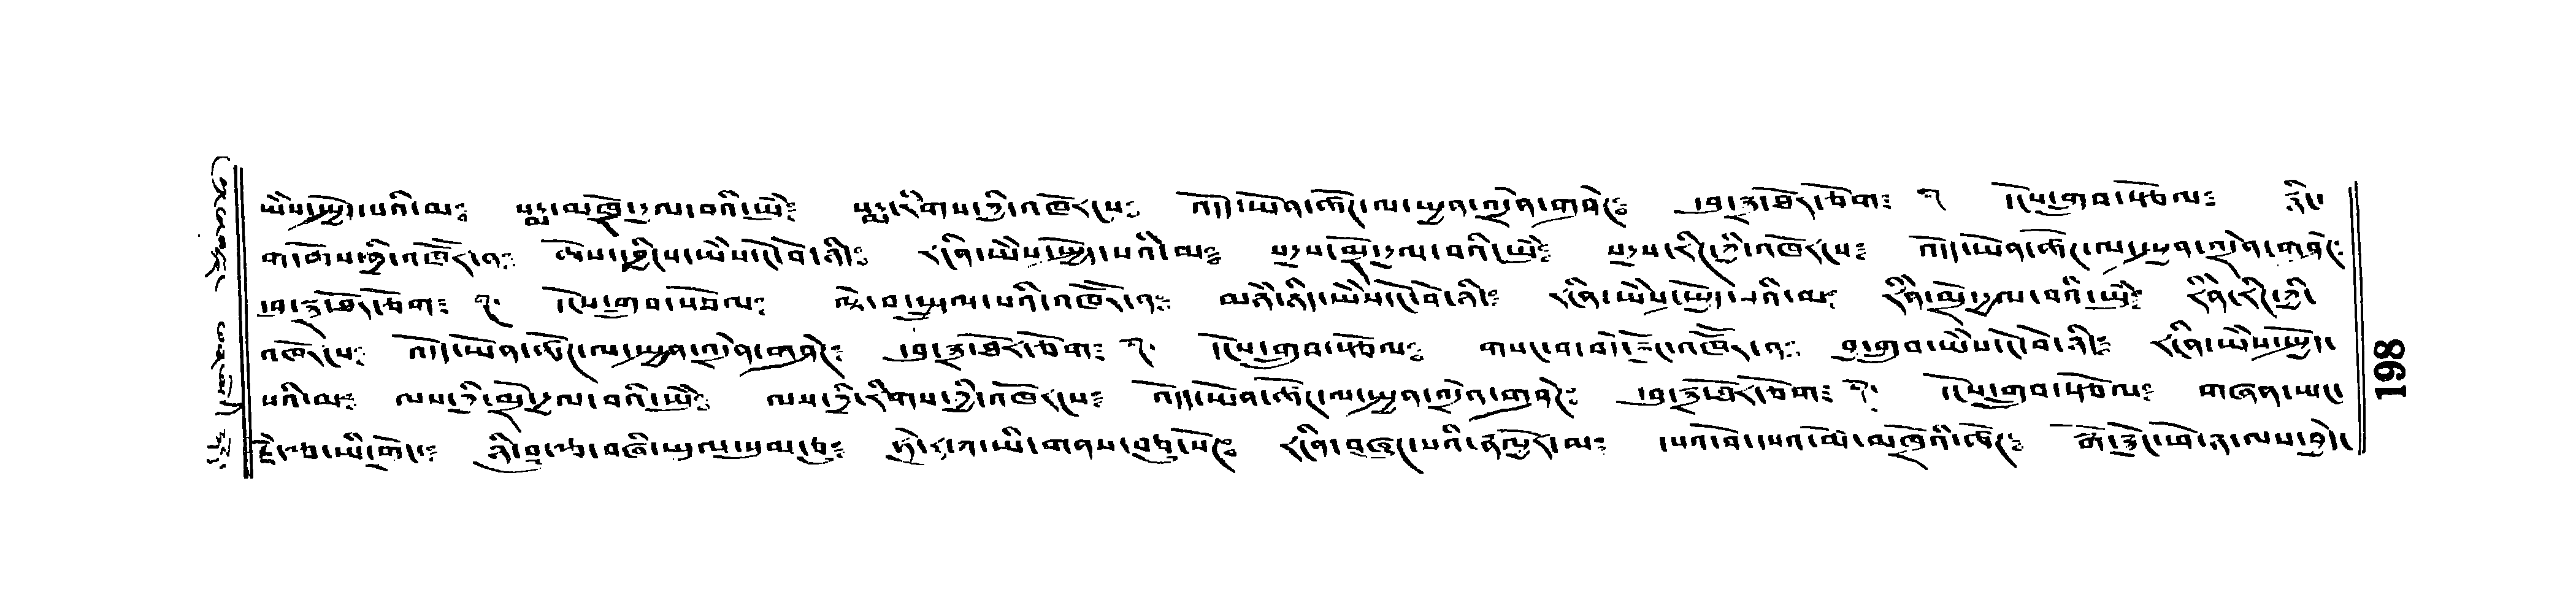ཡེ་ཤེས་སྤྱོད་པའི་མ༔ པདྨ་མཁའ་འགྲོ་རྒྱལ་བའི་ཡུམ༔ པདྨ་རིགས་ཀྱི་འཁོར་དང་བཅས༔ འདོད་ཡོན་ཚོགས་ལ་སྤྱན་འདྲེན་གཤེགས༔ དབུ་སྐྲ་ཐོར་ཅོག་སོགས༔ དངོས་གྲུབ་སྩོལ༔ སྙིང་
ག་ཆོས་ཀྱི་འཁོར་ལོ་ན༔ ཆོས་དབྱིངས་ཡེ་ཤེས་ངོ་བོ་ཉིད༔ རང་བཞིན་ཡེ་ཤེས་སྤྱོད་པའི་མ༔ སངས་རྒྱས་མཁའ་འགྲོ་རྒྱལ་བའི་ཡུམ༔ སངས་རྒྱས་རིགས་ཀྱི་འཁོར་དང་བཅས༔ འདོད་ཡོན་ཚོགས་ལ་སྤྱན་འདྲེན་གཤེགས༔ 
དབུ་སྐྲ་ཐོར་ཅོག་སོགས༔ དངོས་གྲུབ་སྩོལ༔ ལྟེ་བ་སྤྲུལ་པའི་འཁོར་ལོ་ན༔ མཉམ་ཉིད་ཡེ་ཤེས་ངོ་བོ་ཉིད༔ རང་བཞིན་ཡེ་ཤེས་སྤྱོད་པའི་མ༔ རིན་ཆེན་མཁའ་འགྲོ་རྒྱལ་བའི་ཡུམ༔ རིན་ཆེན་རིགས་ཀྱི་
འཁོར་དང་བཅས༔ འདོད་ཡོན་ཚོགས་ལ་སྤྱན་འདྲེན་གཤེགས༔ དབུ་སྐྲ་ཐོར་ཅོག་སོགས༔ དངོས་གྲུབ་སྩོལ༔ གསང་བ་བདེ་སྐྱོང་འཁོར་ལོ་ན༔ བྱ་གྲུབ་ཡེ་ཤེས་ངོ་བོ་ཉིད༔ རང་བཞིན་ཡེ་ཤེས་སྤྱོད་
པའི་མ༔ ལས་ཀྱི་མཁའ་འགྲོ་རྒྱལ་བའི་ཡུམ༔ ལས་ཀྱི་རིགས་ཀྱི་འཁོར་དང་བཅས༔ འདོད་ཡོན་ཚོགས་ལ་སྤྱན་འདྲེན་གཤེགས༔ དབུ་སྐྲ་ཐོར་ཅོག་སོགས༔ དངོས་གྲུབ་སྩོལ༔ གཞན་ཡང་
རྡོ་རྗེ་རྩ་ཡི་གྲོང༔ ཉི་ཤུ་རྩ་བཞི་ཡུལ་སུམ་ཅུ༔ ཧེ་རུ་ཀ་ཡི་གནས་བཅུ་སོགས༔ རང་བཞིན་བཞུགས་པའི་རྣལ་འབྱོར་མ༔ དཔའ་བོ་དཔའ་མོ་མཁའ་འགྲོའི་ཚོགས༔ སྒོ་སྐྱོང་ཕོ་ཉ་ལས་བྱེད་